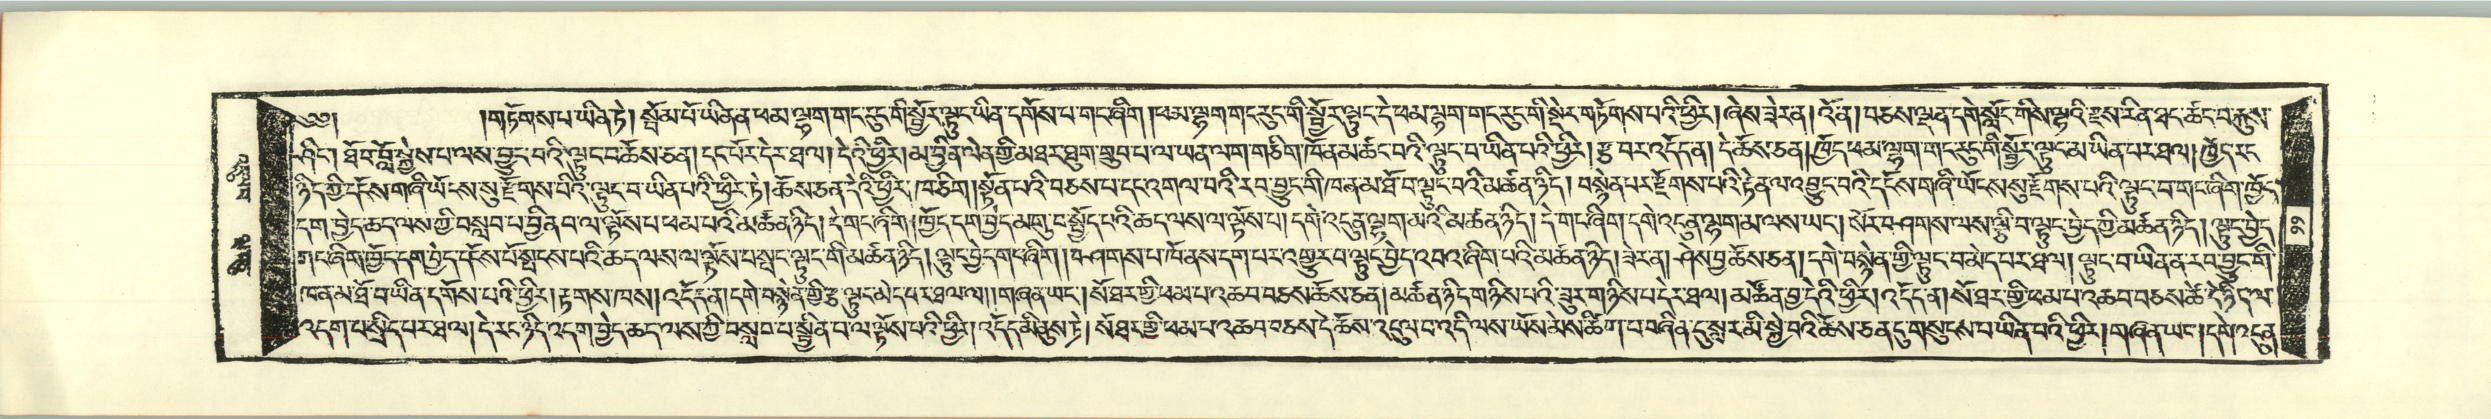༄༅། །གཏོགས་པ་ཡིན་ཏེ། སྦོམ་པོ་ཡིན་ན་ཕམ་ལྷག་གང་རུང་གི་སྤྱིར་ལྟུང་ཡིན་དགོས་པ་གང་ཞིག །ཕམ་ལྷག་གང་རུང་གི་སྦྱོར་ལྟུང་དེ་ཕམ་ལྷག་གང་རུང་གི་སྡེར་གཏོགས་པའི་ཕྱིར། ཞེས་ཟེར་ན། འོ་ན། བཅས་ལྡན་དགེ་སློང་གིས་ལྷའི་རྫས་རིན་ཐང་ཚང་བ་རྐུས་
ཤིང་། ཐོབ་བློ་སྐྱེས་པ་ལས་བྱུང་བའི་ལྟུང་བ་ཆོས་ཅན། དང་པོར་དེར་ཐལ། དེའི་ཕྱིར། མ་བྱིན་ལེན་གྱི་མཐར་ཐུག་གྲུབ་པ་ལ་ཡན་ལག་གཅིག་ཁོ་ན་མ་ཚང་བའི་ལྟུང་བ་ཡིན་པའི་ཕྱིར། རྩ་བར་འདོད་ན། དེ་ཆོས་ཅན། ཁྱོད་ཕམ་ལྷག་གང་རུང་གི་སྦྱོར་ལྟུང་མ་ཡིན་པར་ཐལ། ཁྱོད་རང་
ཉིད་ཀྱི་དངོས་གཞི་ཡོངས་སུ་རྫོགས་པའི་ལྟུང་བ་ཡིན་པའི་ཕྱིར་ཏེ། ཆོས་ཅན་དེའི་ཕྱིར། ཁ་ཅིག །སྟོན་པའི་བཅས་པ་དང་འགལ་པའི་རབ་བྱུང་གི་ཁ་ན་མ་ཐོ་བ་ལྟུང་བའི་མཚན་ཉིད། བསྙེན་པར་རྫོགས་པའི་རྟེན་ལ་འབྱུང་བའི་དངོས་གཞི་ཡོངས་སུ་རྫོགས་པའི་ལྟུང་བ་གང་ཞིག་ཁྱོད་
དག་བྱེད་ཆད་ལས་ཀྱི་བསླབ་པ་བྱིན་བ་ལ་ལྟོས་པ་ཕམ་པའི་མཚན་ཉིད། དེ་གང་ཞིག །ཁྱོད་དག་བྱེད་མགུ་བ་སྤྱོད་པའི་ཆད་ལས་ལ་ལྟོས་པ། དགེ་འདུན་ལྷག་མའི་མཚན་ཉིད། དེ་གང་ཞིག་དགེ་འདུན་ལྷག་མ་ལས་ཡང་། སོར་བཤགས་ལས་ལྕི་བ་ལྟུང་བྱེད་ཀྱི་མཚན་ཉིད། ལྟུང་བྱེད་
གང་ཞིག་ཁྱོད་དག་བྱེད་དངོས་པོ་སྤངས་པའི་ཆད་ལས་ལ་ལྟོས་པ་སྤང་ལྟུང་གི་མཚན་ཉིད། ལྟུང་བྱེད་གང་ཞིག །བཤགས་པ་ཁོ་ནས་དག་པར་འགྱུར་བ་ལྟུང་བྱེད་འབའ་ཞིག་པའི་མཚན་ཉིད། ཟེར་ན། ཤེས་བྱ་ཆོས་ཅན། དགེ་བསྙེན་གྱི་ལྟུང་བ་མེད་པར་ཐལ། ལྟུང་བ་ཡིན་ན་རབ་བྱུང་གི་
ཁ་ན་མ་ཐོ་བ་ཡིན་དགོས་པའི་ཕྱིར། རྟགས་ཁས། འདོད་ན། དགེ་བསྙེན་གྱི་རྩ་ལྟུང་མེད་པར་ཐལ་ལ། །གཞན་ཡང་། སོ་ཐར་གྱི་ཕམ་པ་འཆབ་བཅས་ཆོས་ཅན། མཚན་ཉིད་གཉིས་པའི་ཟུར་གཉིས་པ་དེར་ཐལ། མཚོན་བྱ་དེའི་ཕྱིར། འདོད་ན། སོ་ཐར་གྱི་ཕམ་པ་འཆབ་བཅས་ཚེ་དེ་ཉིད་ལ་
འདག་པ་སྲིད་པར་ཐལ། དེ་རང་ཉིད་འདག་བྱེད་ཆད་ལས་ཀྱི་བསླབ་པ་སྦྱིན་པ་ལ་ལྟོས་པའི་ཕྱིར། འདོད་མི་ནུས་ཏེ། སོ་ཐར་གྱི་ཕམ་པ་འཆབ་བཅས་དེ་ཆོས་འདུལ་བ་འདི་ལས་ཡོས་མེས་ཚིག་པ་བཞིན་དུ་སླར་མི་སྐྱེ་བའི་ཆོས་ཅན་དུ་གསུངས་པ་ཡིན་པའི་ཕྱིར། གཞན་ཡང་། དགེ་འདུན་